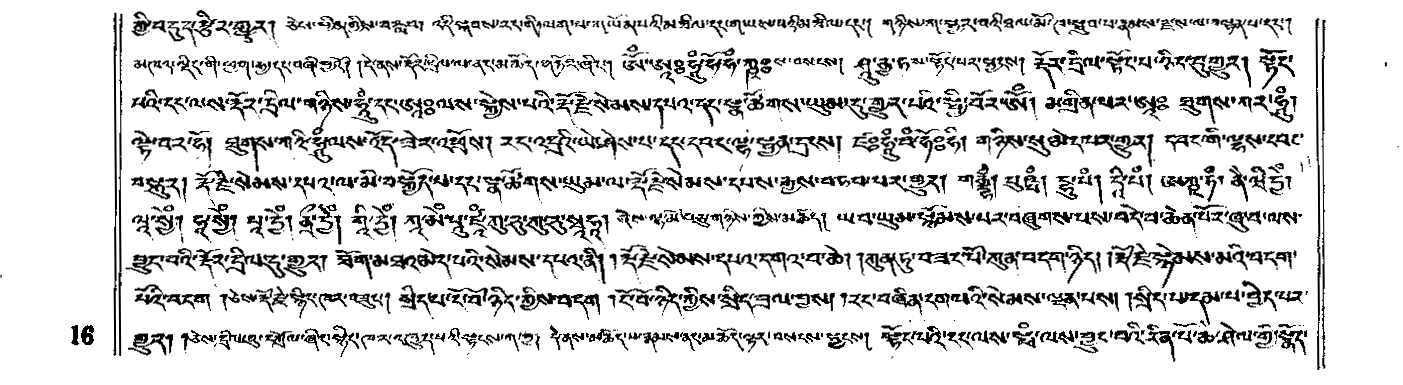ཀྱི་བདུད་རྩིར་གྱུར། ཅེས་བྱིན་གྱིས་བརླབ། འདི་སྐབས་རང་གི་ལག་པ་གཡོན་པའི་མཐིལ་དང་གཡས་པའི་མཐིལ་དང་། གཉིས་ཀ་སྦྱར་བའི་ཐལ་མོ་ཁ་སྒྲུབ་པ་རྣམས་རྫས་ལ་བསྟན་པ་དང་།
མཁའ་ལྡིང་གི་ཕྱག་རྒྱ་དང་བཞི་བྱའོ། །དེ་ནས་རྡོར་དྲིལ་ལ་ནང་མཆོད་གཏོར་ཞིང་། ཨོཾ་ཨཱཿ ཧཱུཾ་ཧོ་ཧཾ་ཀྵཿ ས་བསངས།  ཤཱུ་ནྱ་ཏ་ས་སྟོང་པར་སྦྱངས། རྡོར་དྲིལ་སྟོང་པ་ཉིད་དུ་གྱུར། སྟོང་
པའི་ངང་ལས་རྡོར་དྲིལ་གཉིས་ཧཱུཾ་དང་ཨཱཿ ལས་སྐྱེས་པའི་རྡོ་རྗེ་སེམས་དཔའ་དང་སྣ་ཚོགས་ཡུམ་དུ་གྱུར་པའི་སྤྱི་བོར་ཨོཾ། མགྲིན་པར་ཨཱཿ ཐུགས་ཀར་ཧཱུཾ།
ལྟེ་བར་ཧོ། ཐུགས་ཀའི་ཧཱུཾ་ལས་འོད་ཟེར་འཕྲོས། རང་འདྲའི་ཡེ་ཤེས་པ་དང་དབང་ལྷ་སྤྱན་དྲངས། ཛཿ ཧཱུཾ་བཾ་ཧོཿ ཧི། གཉིས་སུ་མེད་པར་གྱུར། དབང་གི་ལྷས་དབང་
བསྐུར། རྡོ་རྗེ་སེམས་དཔའ་ལ་མི་བསྐྱོད་པ་དང་སྣ་ཚོགས་ཡུམ་ལ་རྡོ་རྗེ་སེམས་དཔས་རྒྱས་བཏབ་པར་གྱུར། གནྡྷཾ། པུཥྤཾ། དྷུ་པཾ། དཱི་པཾ། ཨཀྵ་ཏཾ། ནཻ་ཝི་དྱེཾ།
ལཱ་སྱེཾ། ཧཱ་སྱེཾ། པཱ་དྱེཾ། ནྲྀ་དྱེཾ། གཱི་དྱེཾ། ཀཱ་མེཾ་པཱུ་ཛཱཾ་ཀུ་རུ་ཀུ་རུ་སྭཱཧཱ། ཞེས་ལྷ་མོ་བཅུ་གཉིས་ཀྱིས་མཆོད།  ཡབ་ཡུམ་སྙོམས་པར་བཞུགས་པས་བདེ་བ་ཆེན་པོར་ཞུ་བ་ལས་
བྱུང་བའི་རྡོར་དྲིལ་དུ་གྱུར། ཐོག་མཐའ་མེད་པའི་སེམས་དཔའ་ནི། །རྡོ་རྗེ་སེམས་དཔའ་དགའ་བ་ཆེ། །ཀུན་ཏུ་བཟང་པོ་ཀུན་བདག་ཉིད། །རྡོ་རྗེ་སྙེམས་མའི་བདག་
པོའི་བདག་།ཅེས་རྡོ་རྗེ་སྙིང་ཁར་བཟུང་།  སྲིད་པ་ངོ་བོ་ཉིད་ཀྱིས་བདག །ངོ་བོ་ཉིད་ཀྱིས་སྲིད་བྲལ་བྱས། །རང་བཞིན་དག་པའི་སེམས་ལྡན་པས། །སྲིད་པ་དམ་པ་བྱེད་པར་
གྱུར། །ཅེས་དྲིལ་བུ་དཀྲོལ་ཞིང་སྙིང་ཁར་འཁྱུད་པའི་སྟངས་ཀ་བྱ། དེ་ནས་མཆོད་པ་རྣམས་ནང་མཆོད་ལྟར་བསངས་སྦྱངས།  སྟོང་པའི་ངང་ལས་སྥཾ་ལས་བྱུང་བའི་རིན་པོ་ཆེ་ཤེལ་གྱི་སྣོད་